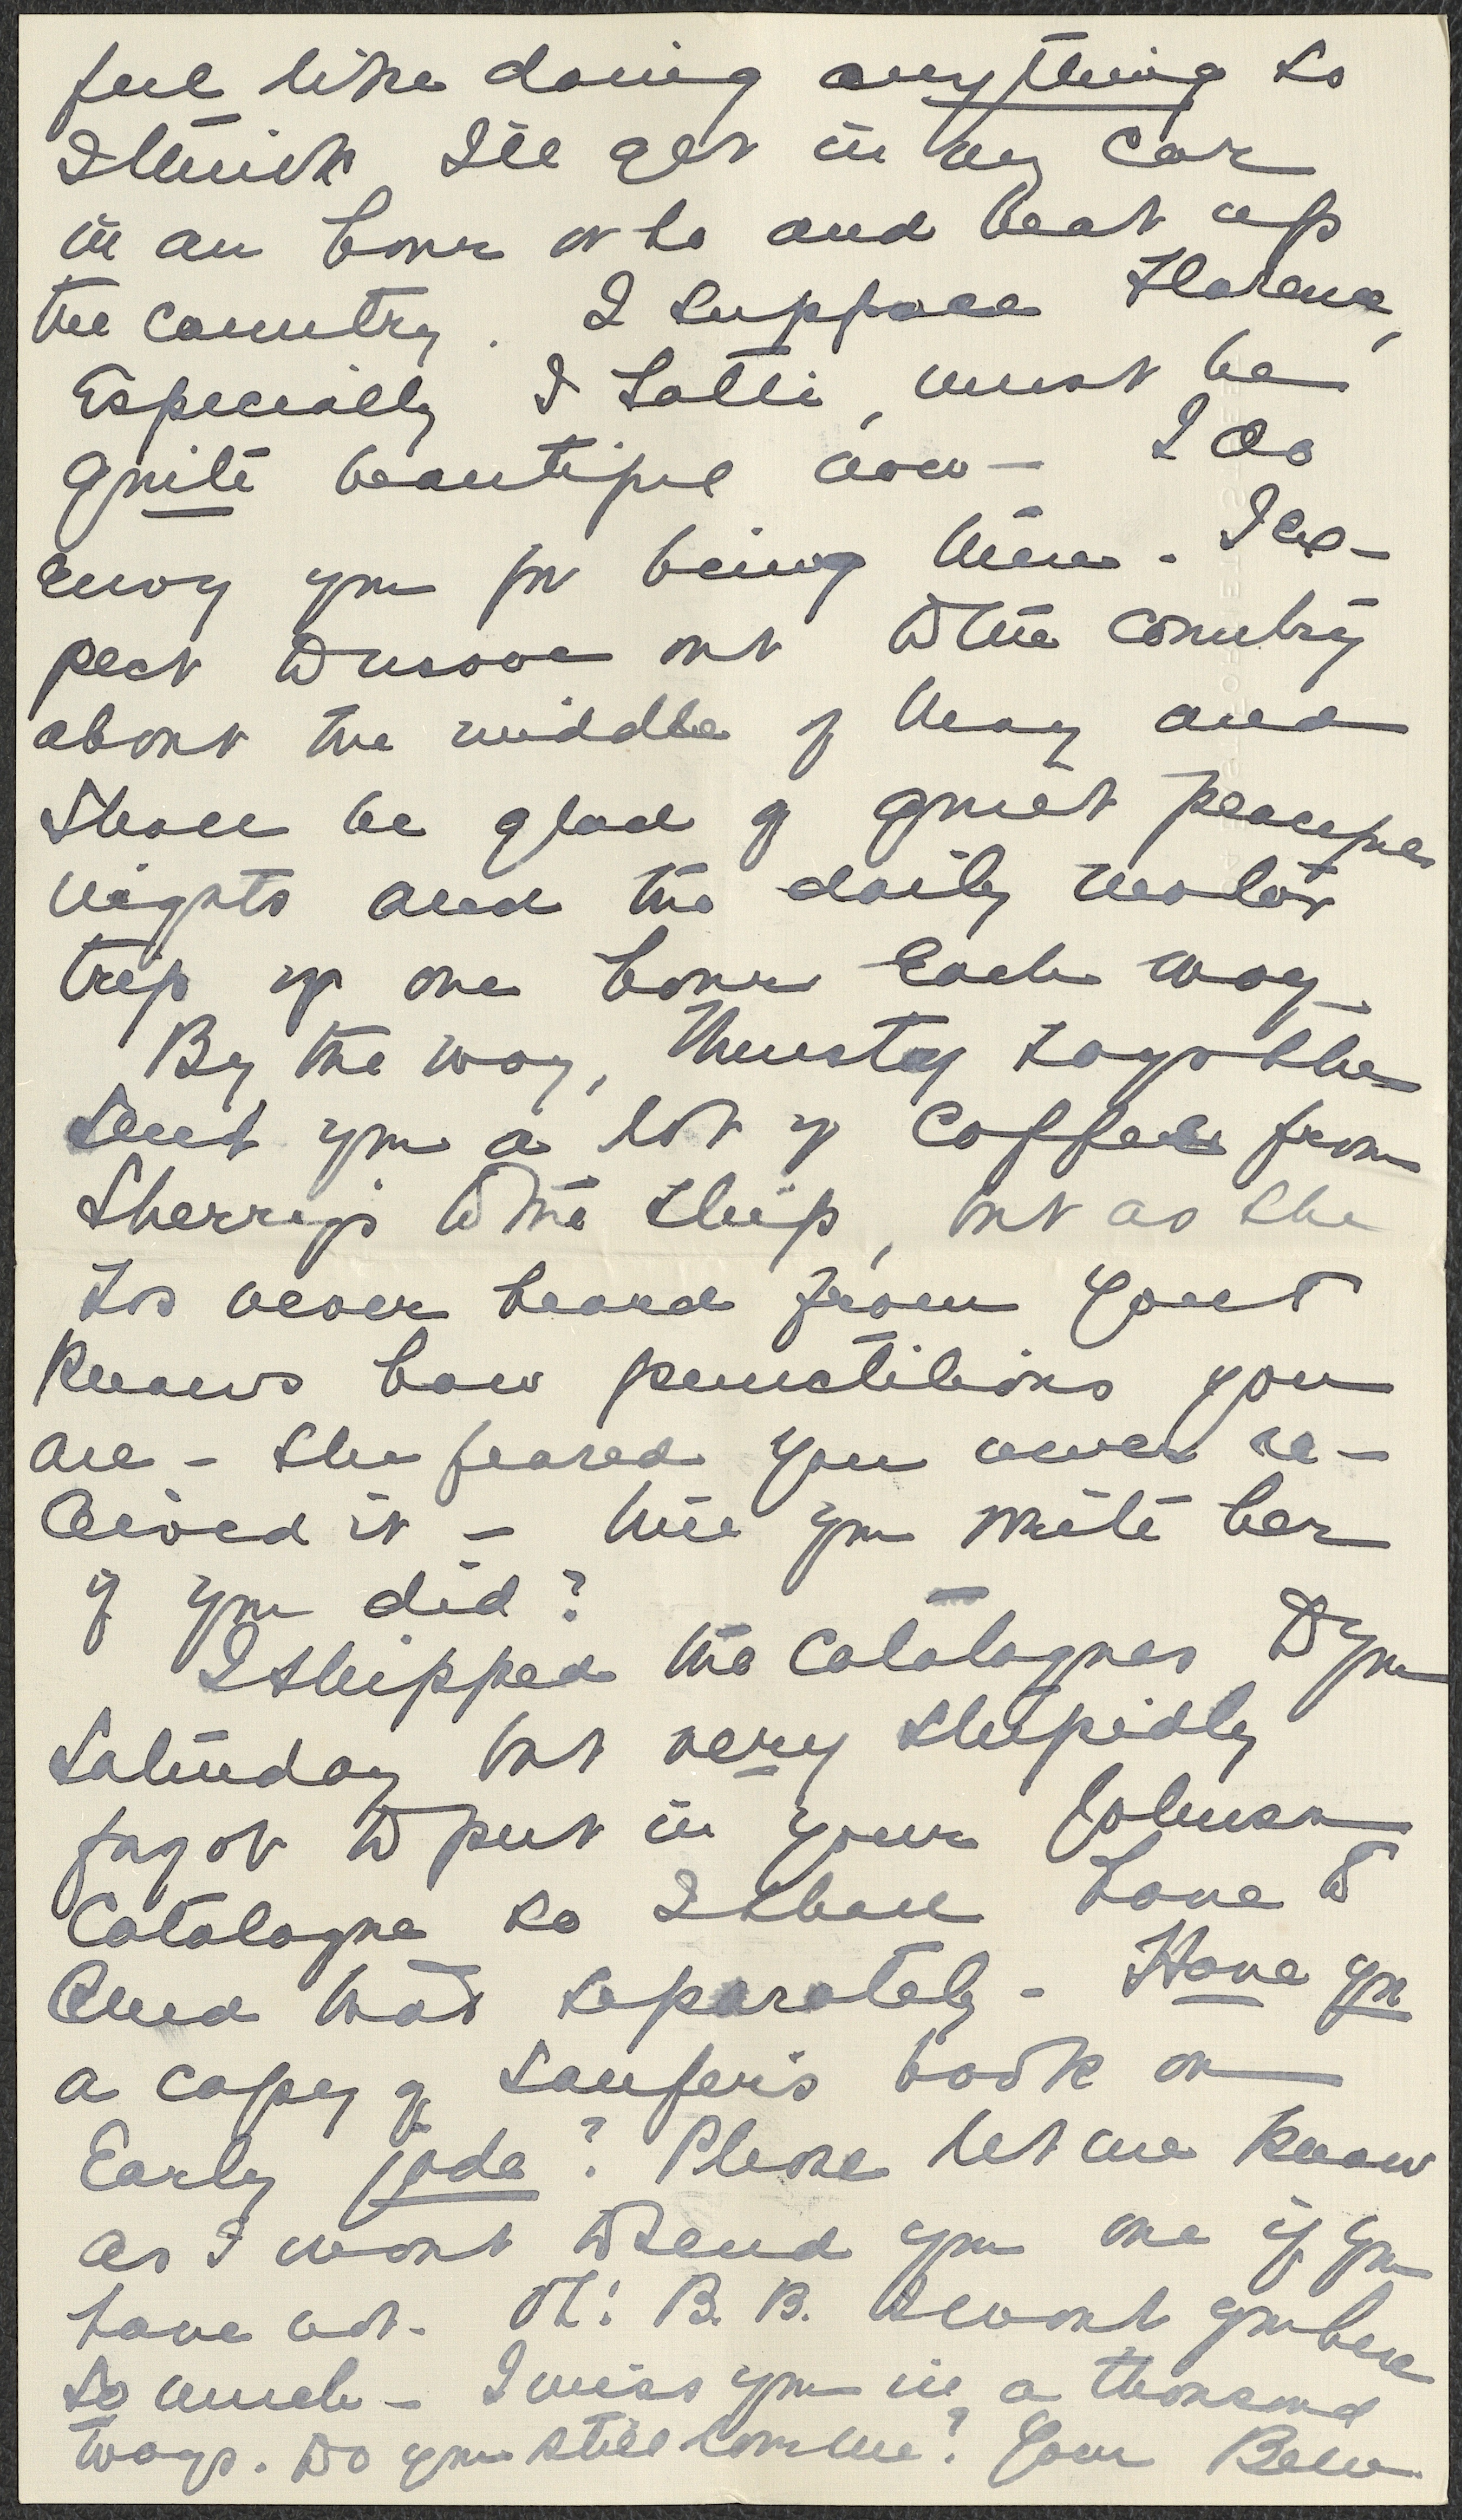feel like doing anything so I think I’ll get in my car in an hour or so and heat up the country. I suppose Florence, especially I Tatti, must be quite beautiful now – I do envy you for being there – I expect to move out to the country about the middle of May and shall be glad of quiet peaceful nights and the daily motor trip up one hour each way – By the way, Thursty says she sent you a lot of coffee from Sherry’s to the ship, but as she has never heard from you & knows how punctilious you are – she feared you never received it – will you write her if you did?
I shipped the catalogues to you Saturday but very stupidly forgot to put in your Johnson catalogue so I shall have to send that separately – Have you a copy of Laufer’s book on Early jade? Please let me know as I want to send you one if you have not – Oh! B.B. I want you here so much – I miss you in a thousand ways. Do you still love me? Your Belle